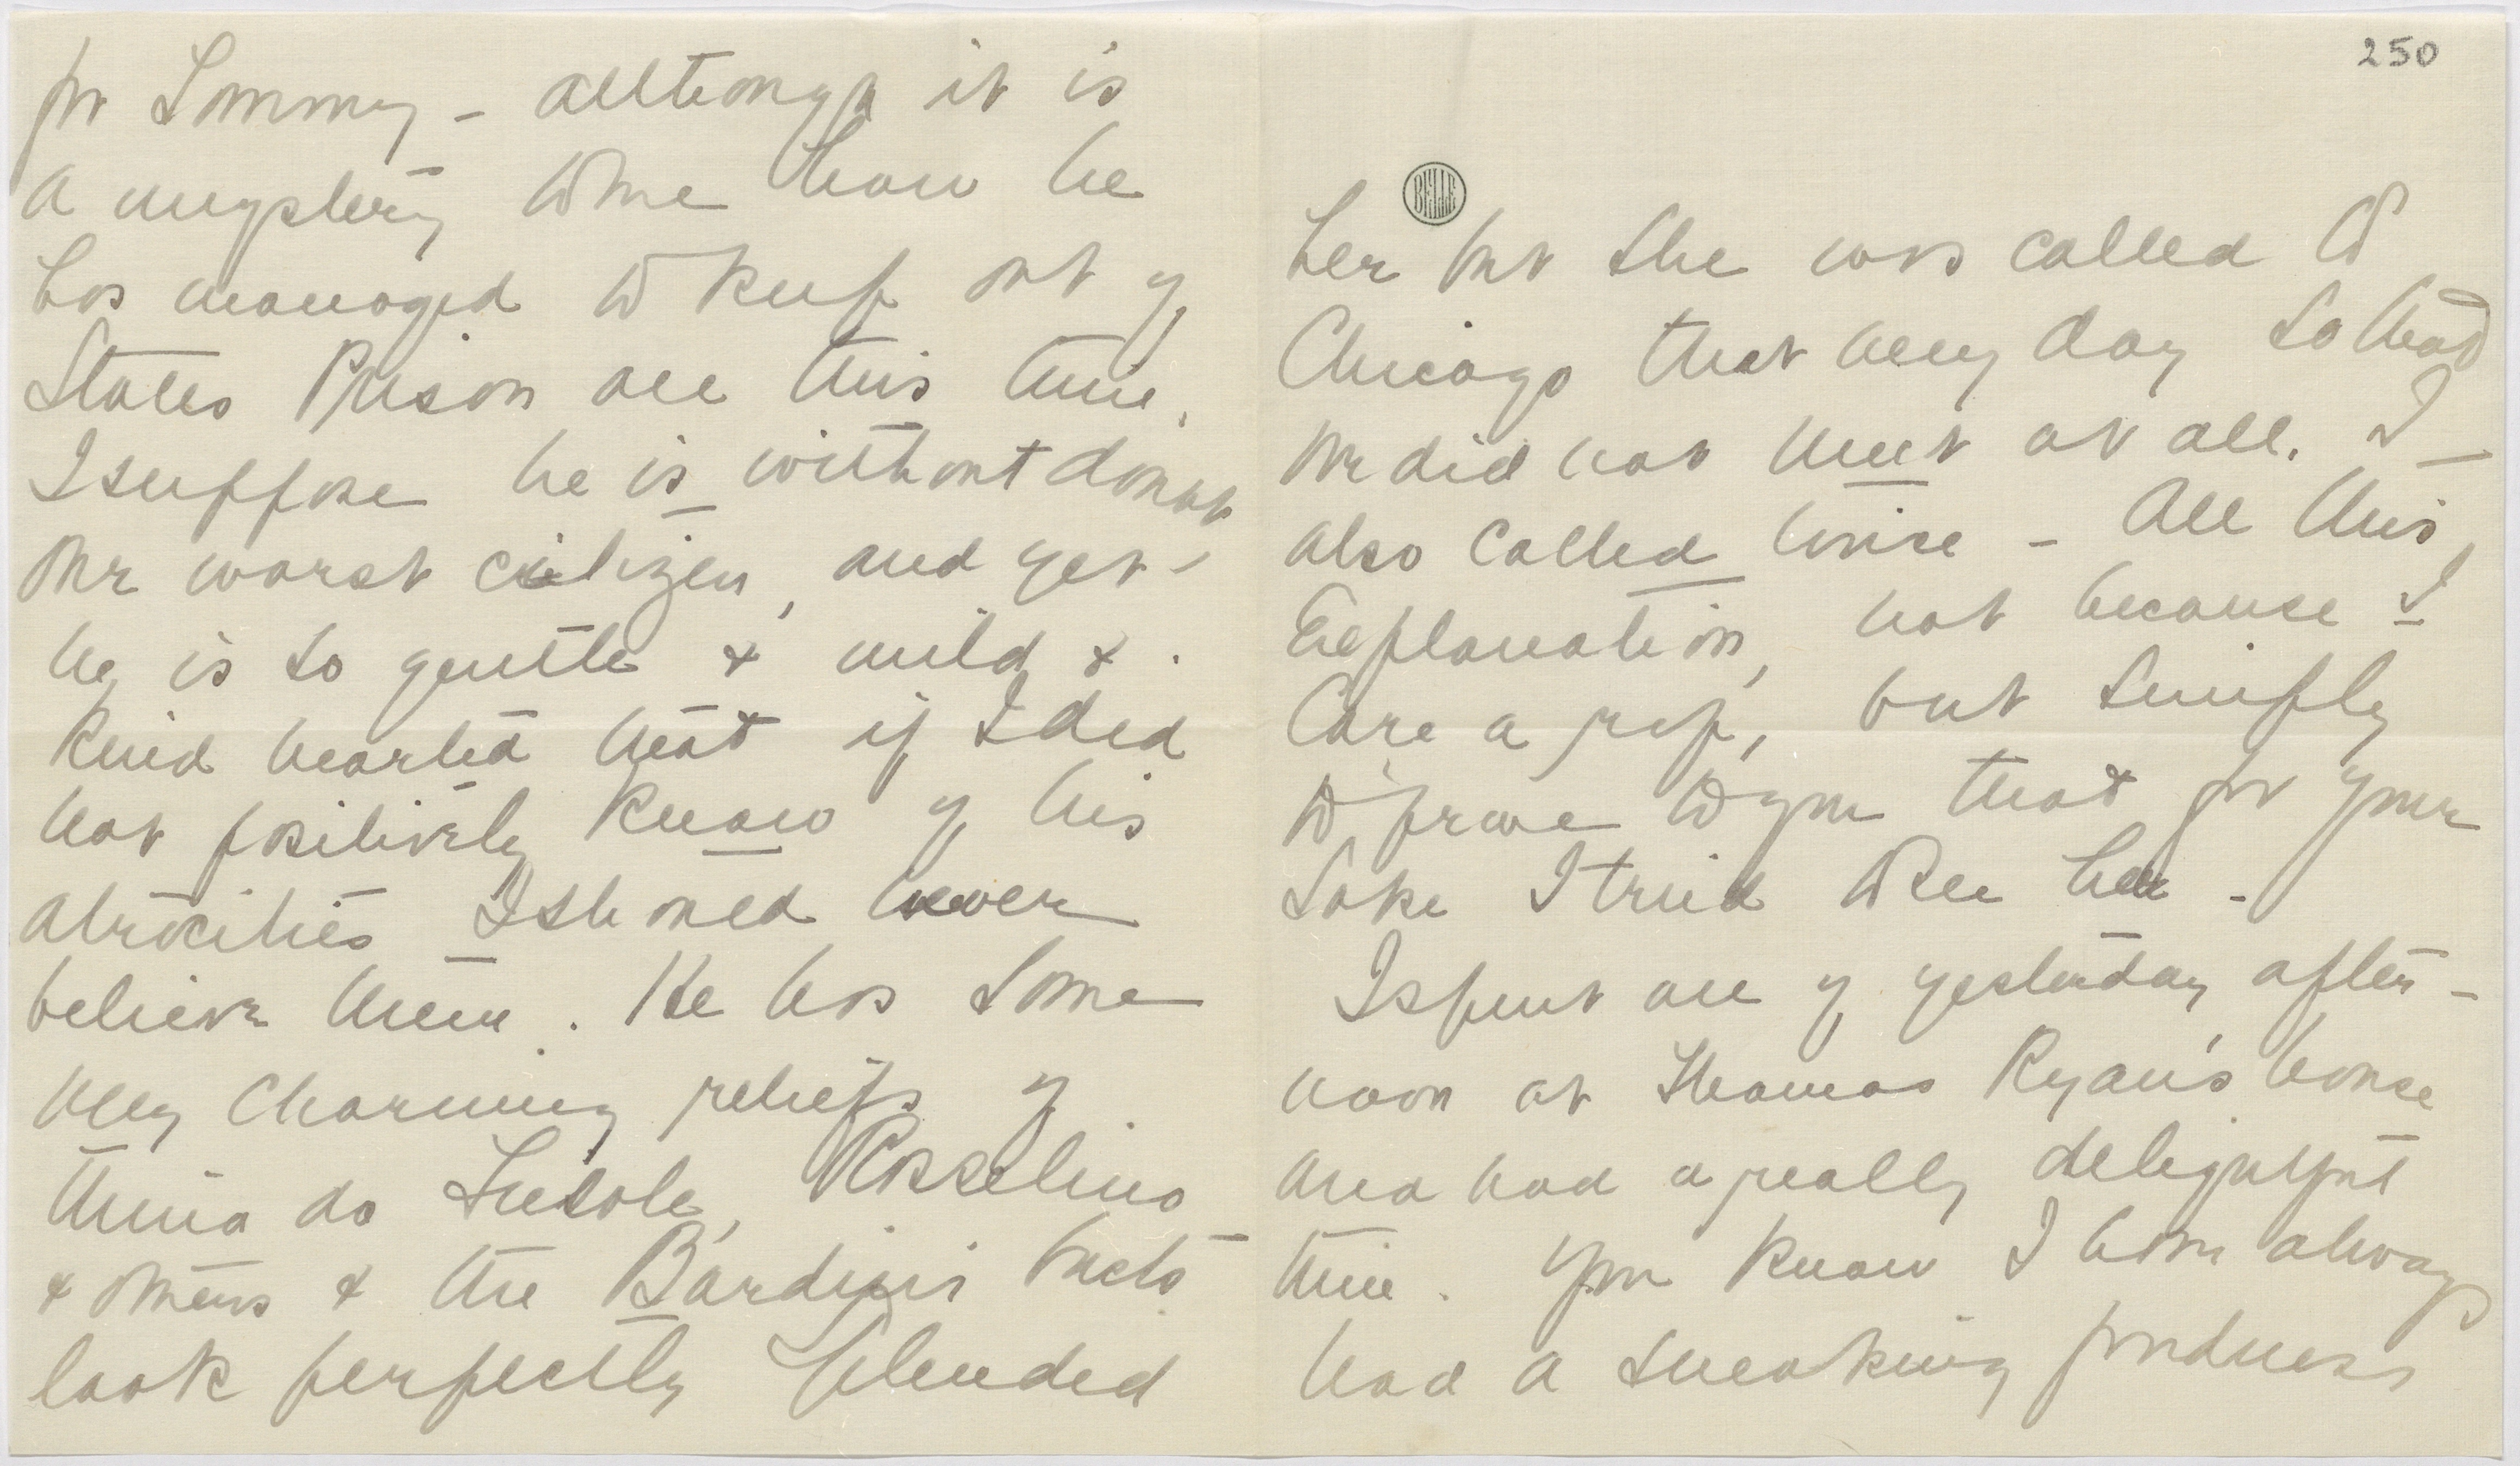her but she was called to Chicago that very day so that we did not meet at all. I also called twice – All this explanation, not because I care a rip, but simply to prove to you that for your sake I tried to see her –
I spent all of yesterday afternoon at Thomas Ryan’s house and had a really delightful time. You know I have always had a sneaking fondness
for Tommy – although it is a mystery to me how he has managed to keep out of States prison all this time. I suppose he is without doubt our worst citizen, and yet he is so gentle & mild & kind hearted that if I did not positively know of his atrocities I should never believe them. He has some very charming reliefs of Mino da Fiesole, Rossellino & others & the Bardini busts look perfectly splendid